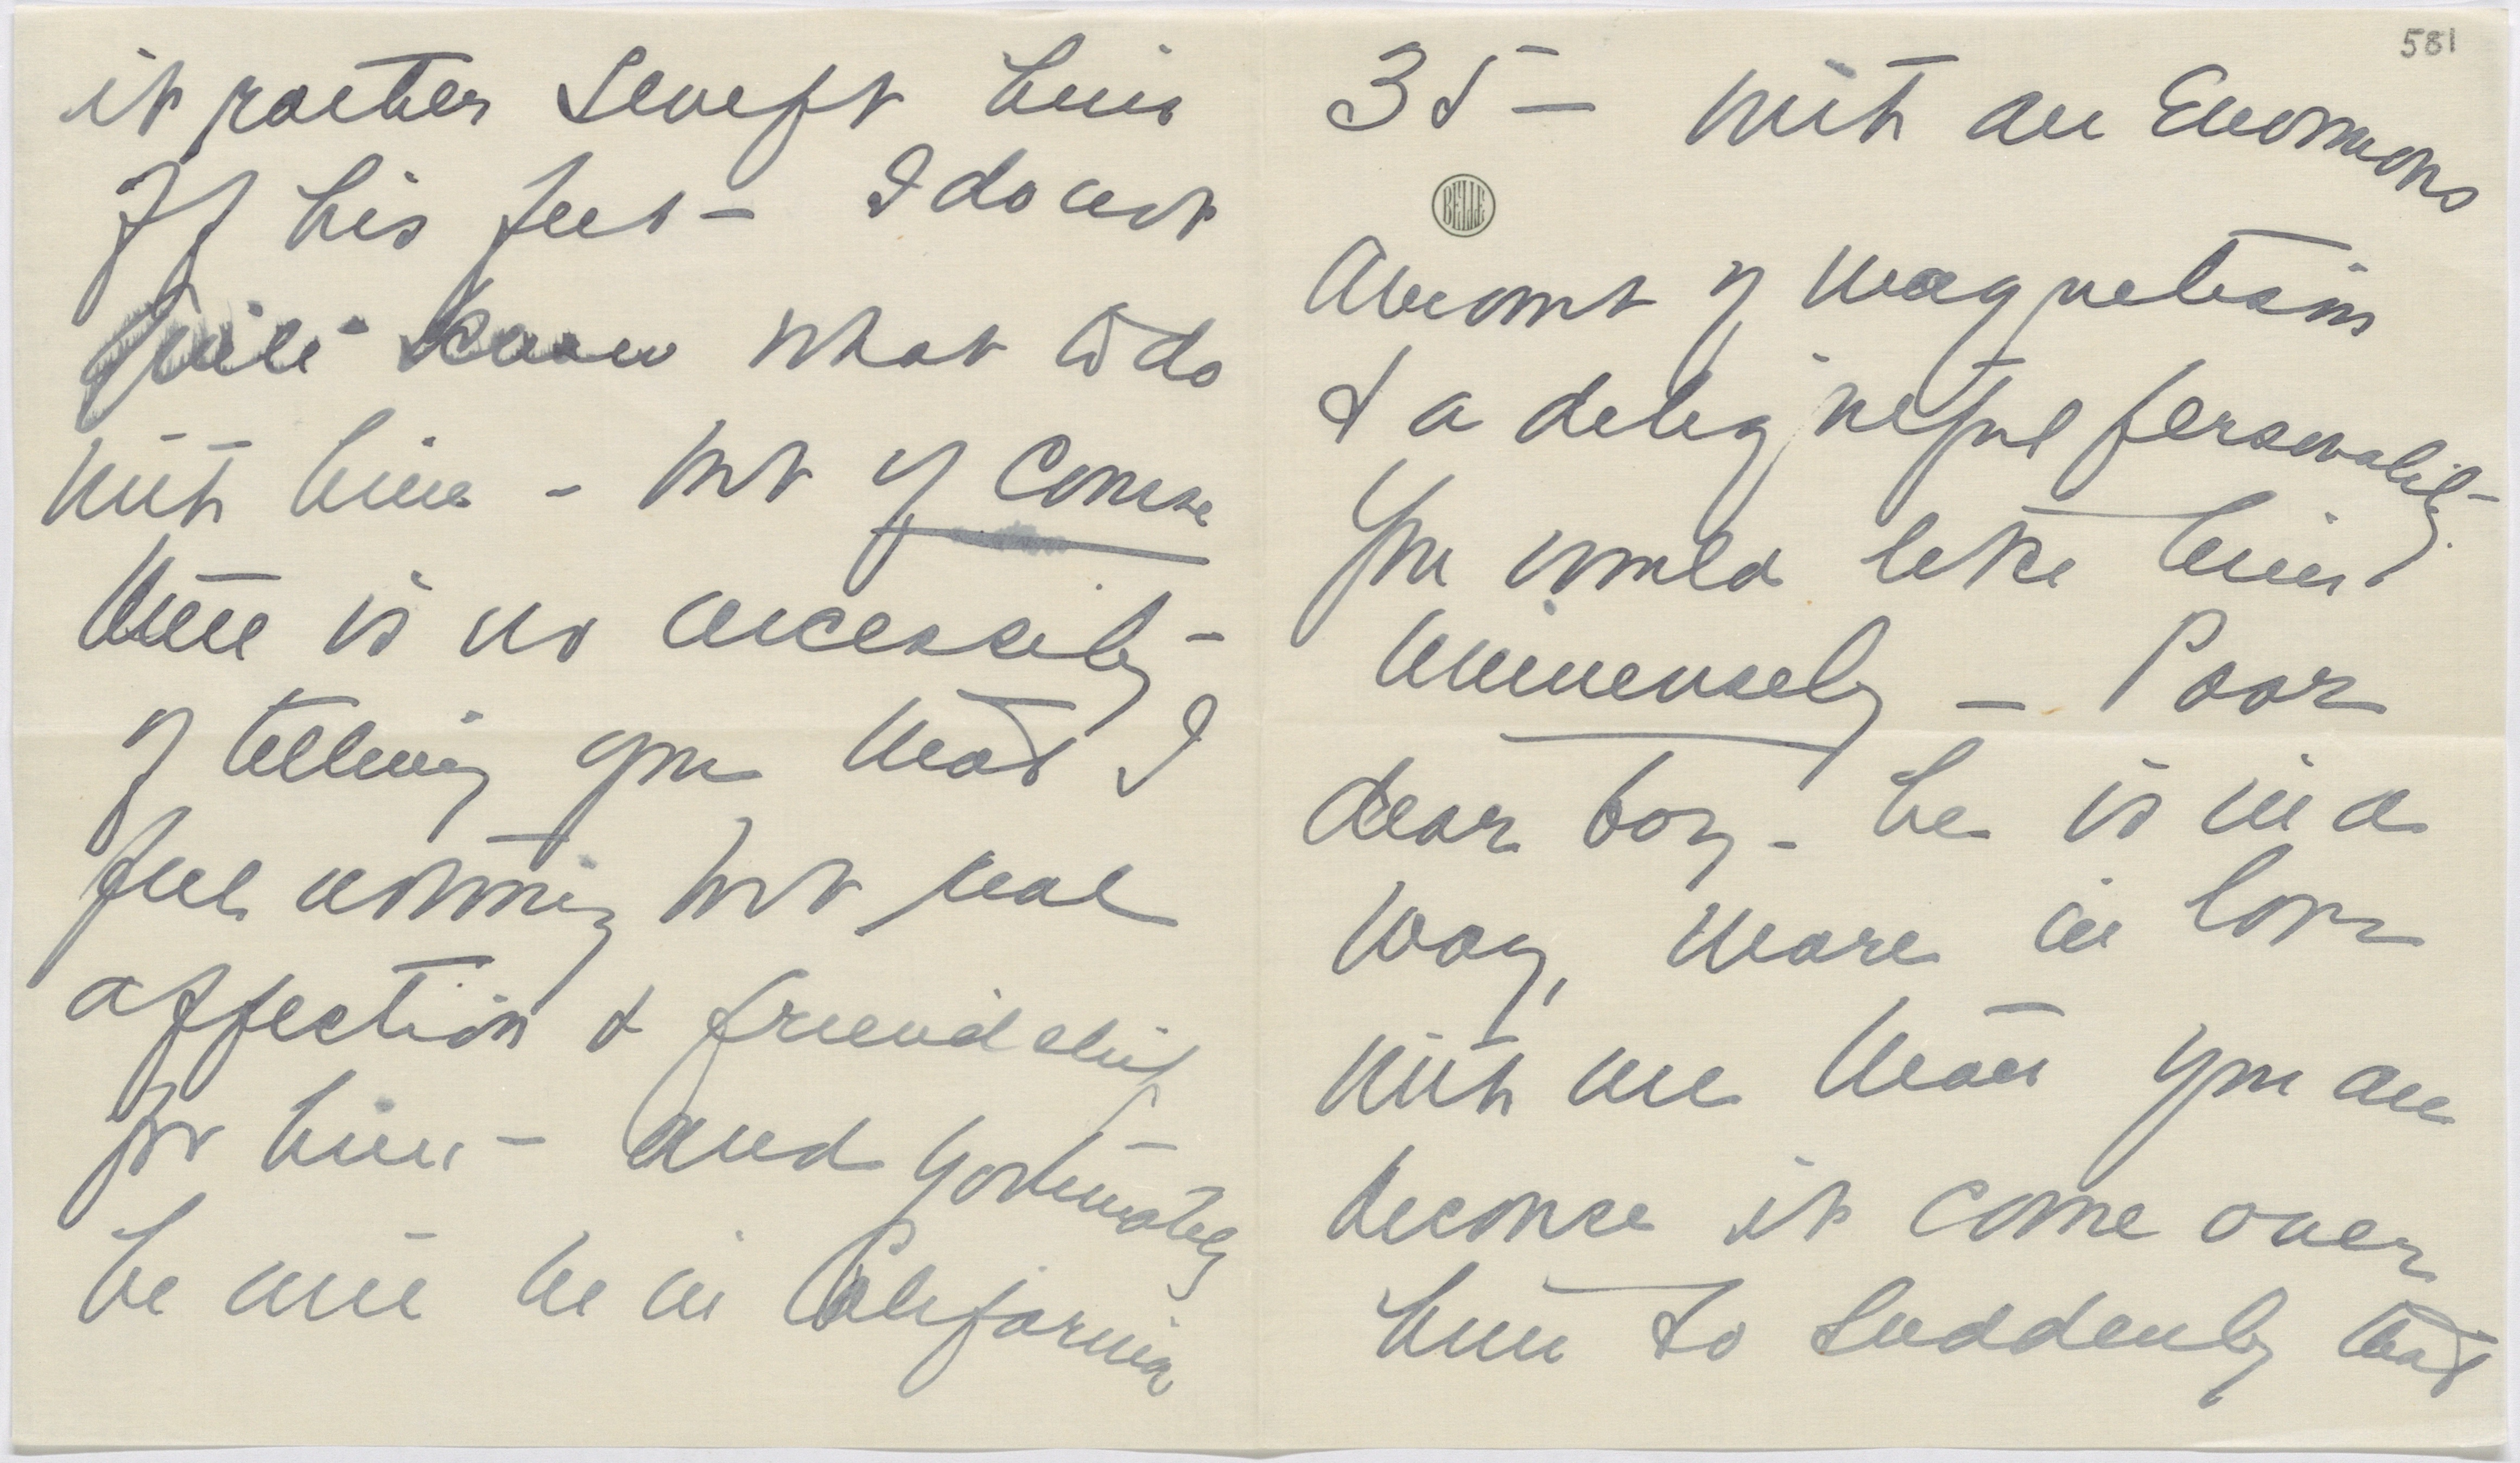35 – with an enormous amount of magnetism & a delightful personality. You would like him immensely – Poor dear boy – he is in a way, more in love with me than you are because it came over him so suddenly that
it rather swept him off his feet – I do not quite know what to do with him – but of course there is no necessity of telling you that I feel nothing but real affection & friendship for him – and fortunately he will be in California